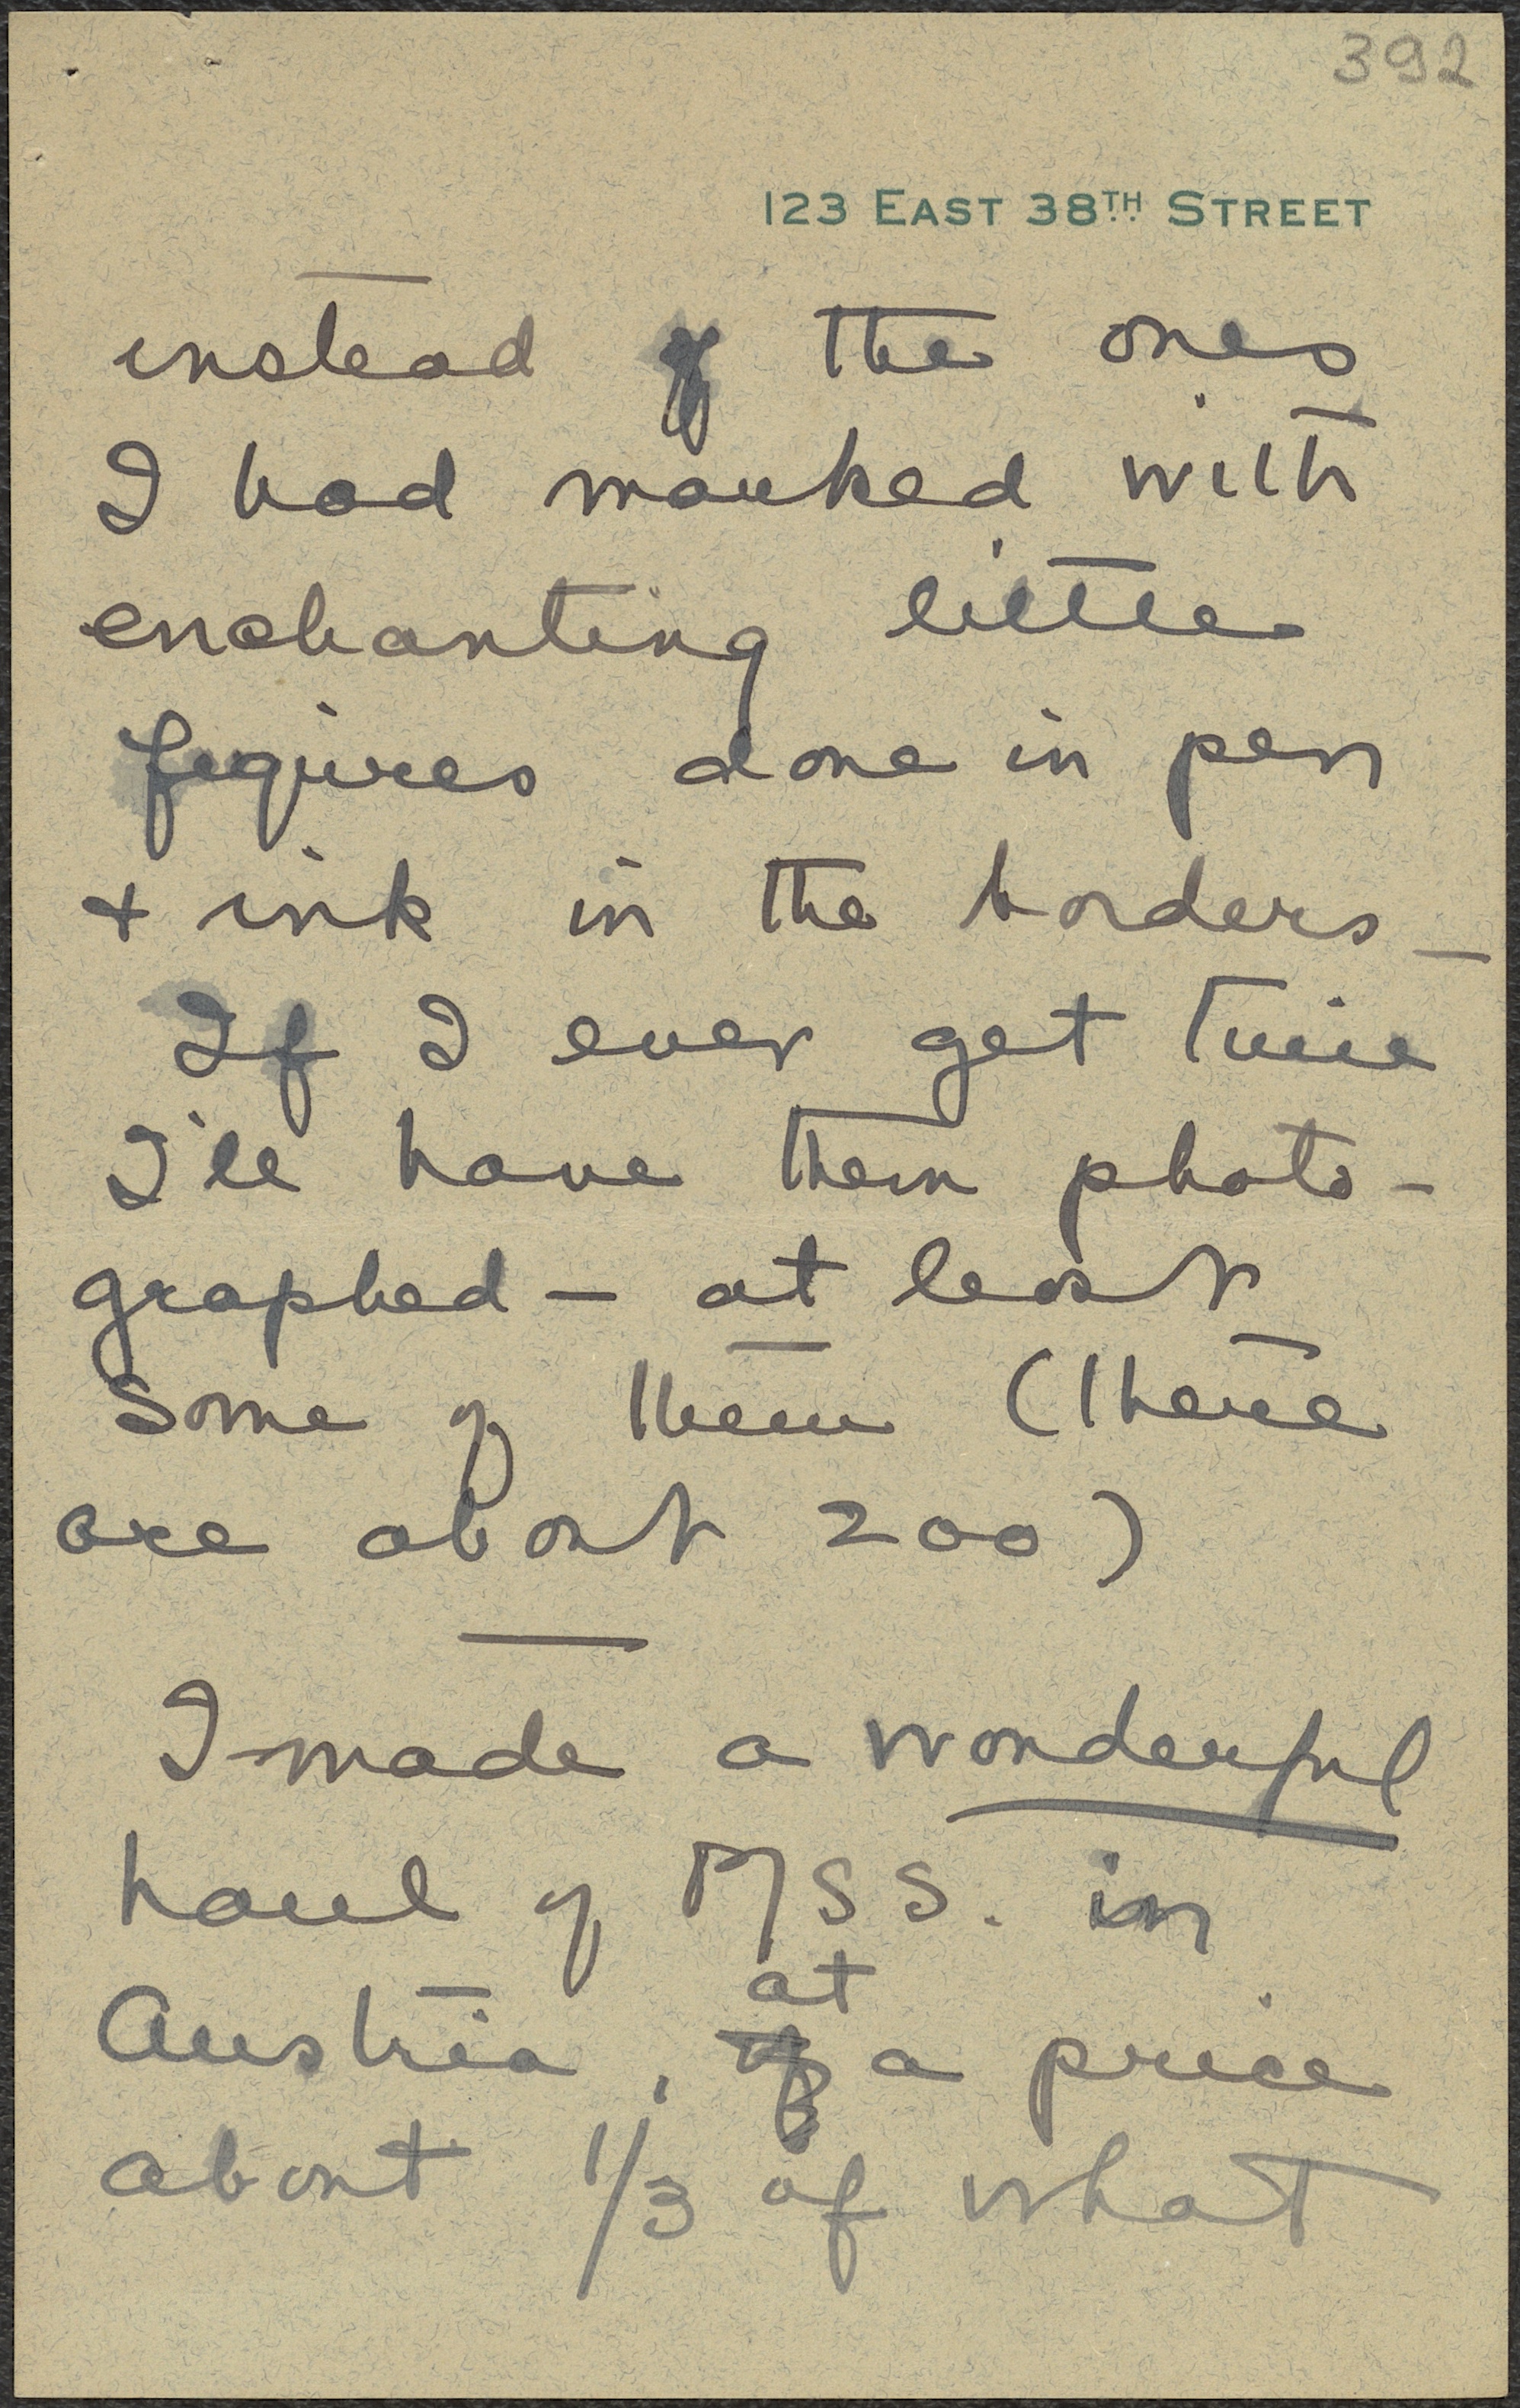instead of the ones I had marked with enchanting little figures done in pen & ink in the borders –
If I ever get time I’ll have them photographed – at least some of them (there are about 200)
I made a wonderful haul of MSS in Austria, of [^at^] at a price about ⅓ of what